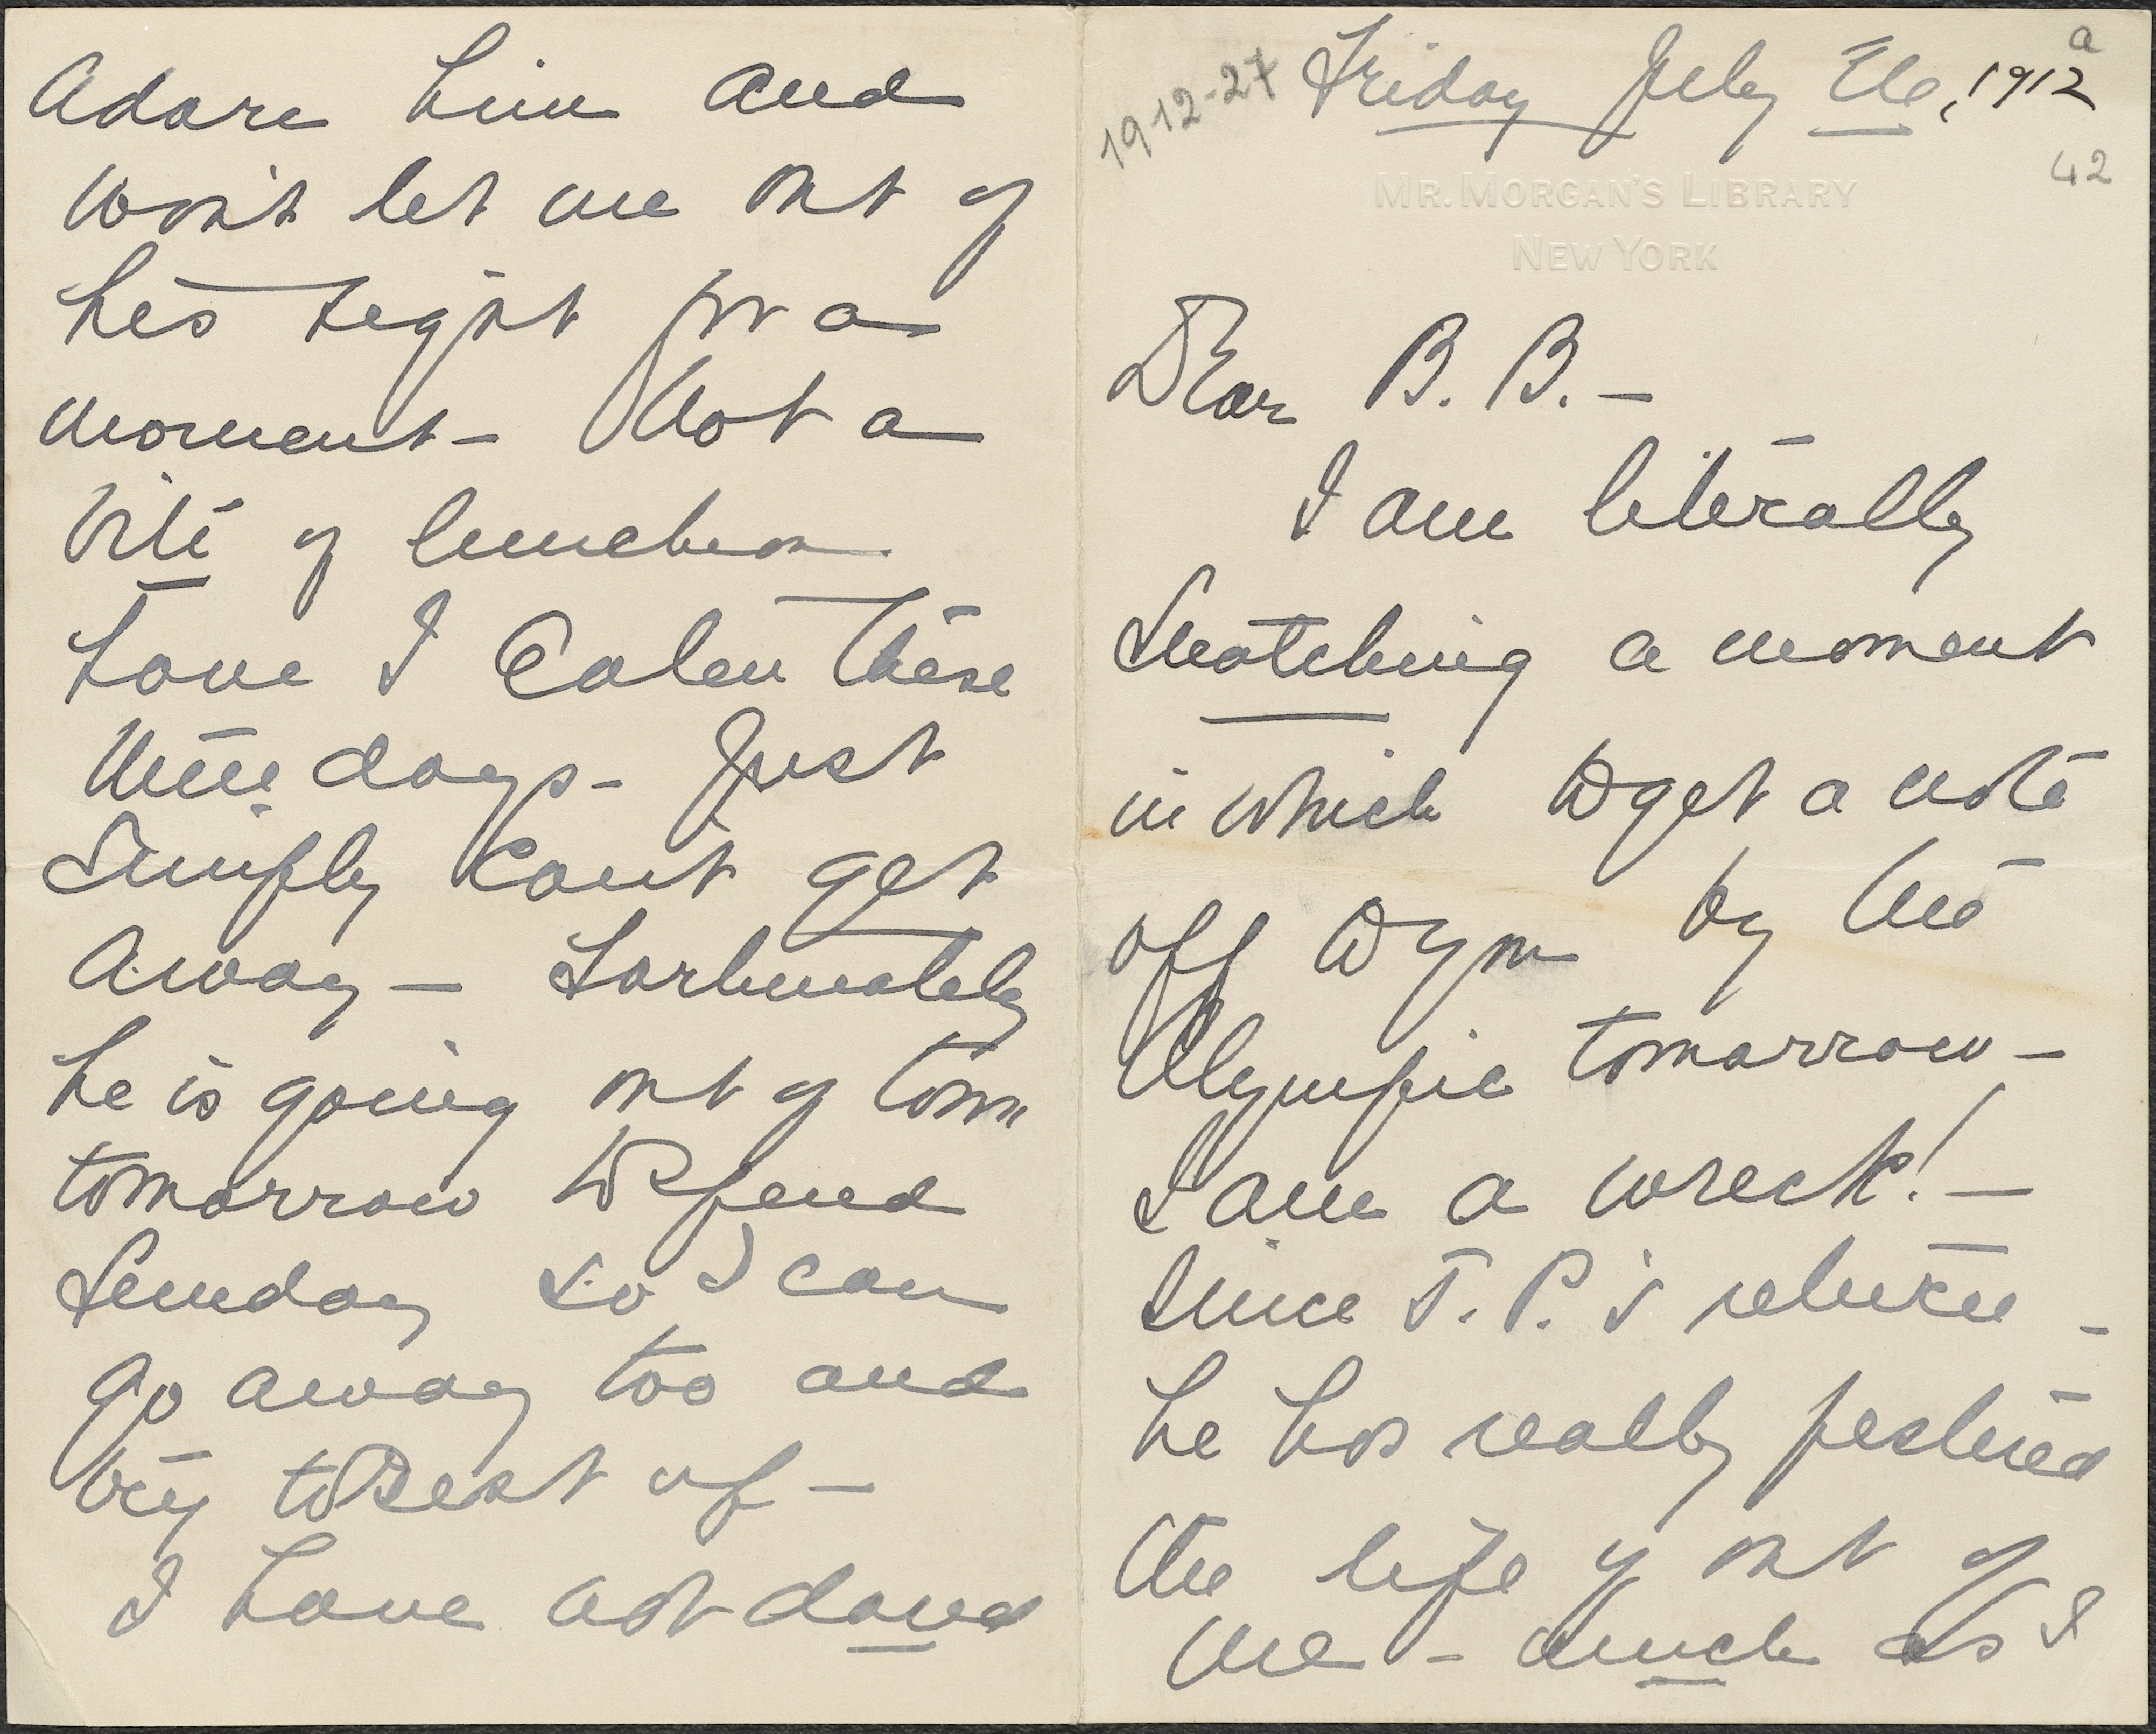Friday, July 26, 1912
Dear B. B. –
I am literally snatching a moment in which to get a note off to you by the Olympic tomorrow – I am a wreck! – since J. P.’s return – he has really pestered the life of [sic] out of me – much as I
adore him and won’t let me out of his sight for a moment – Not a bite of luncheon have I eaten these days – Just simply can’t get away – Fortunately he is going out of town tomorrow to spend Sunday so I can go away too and try to rest up –
I have not dared